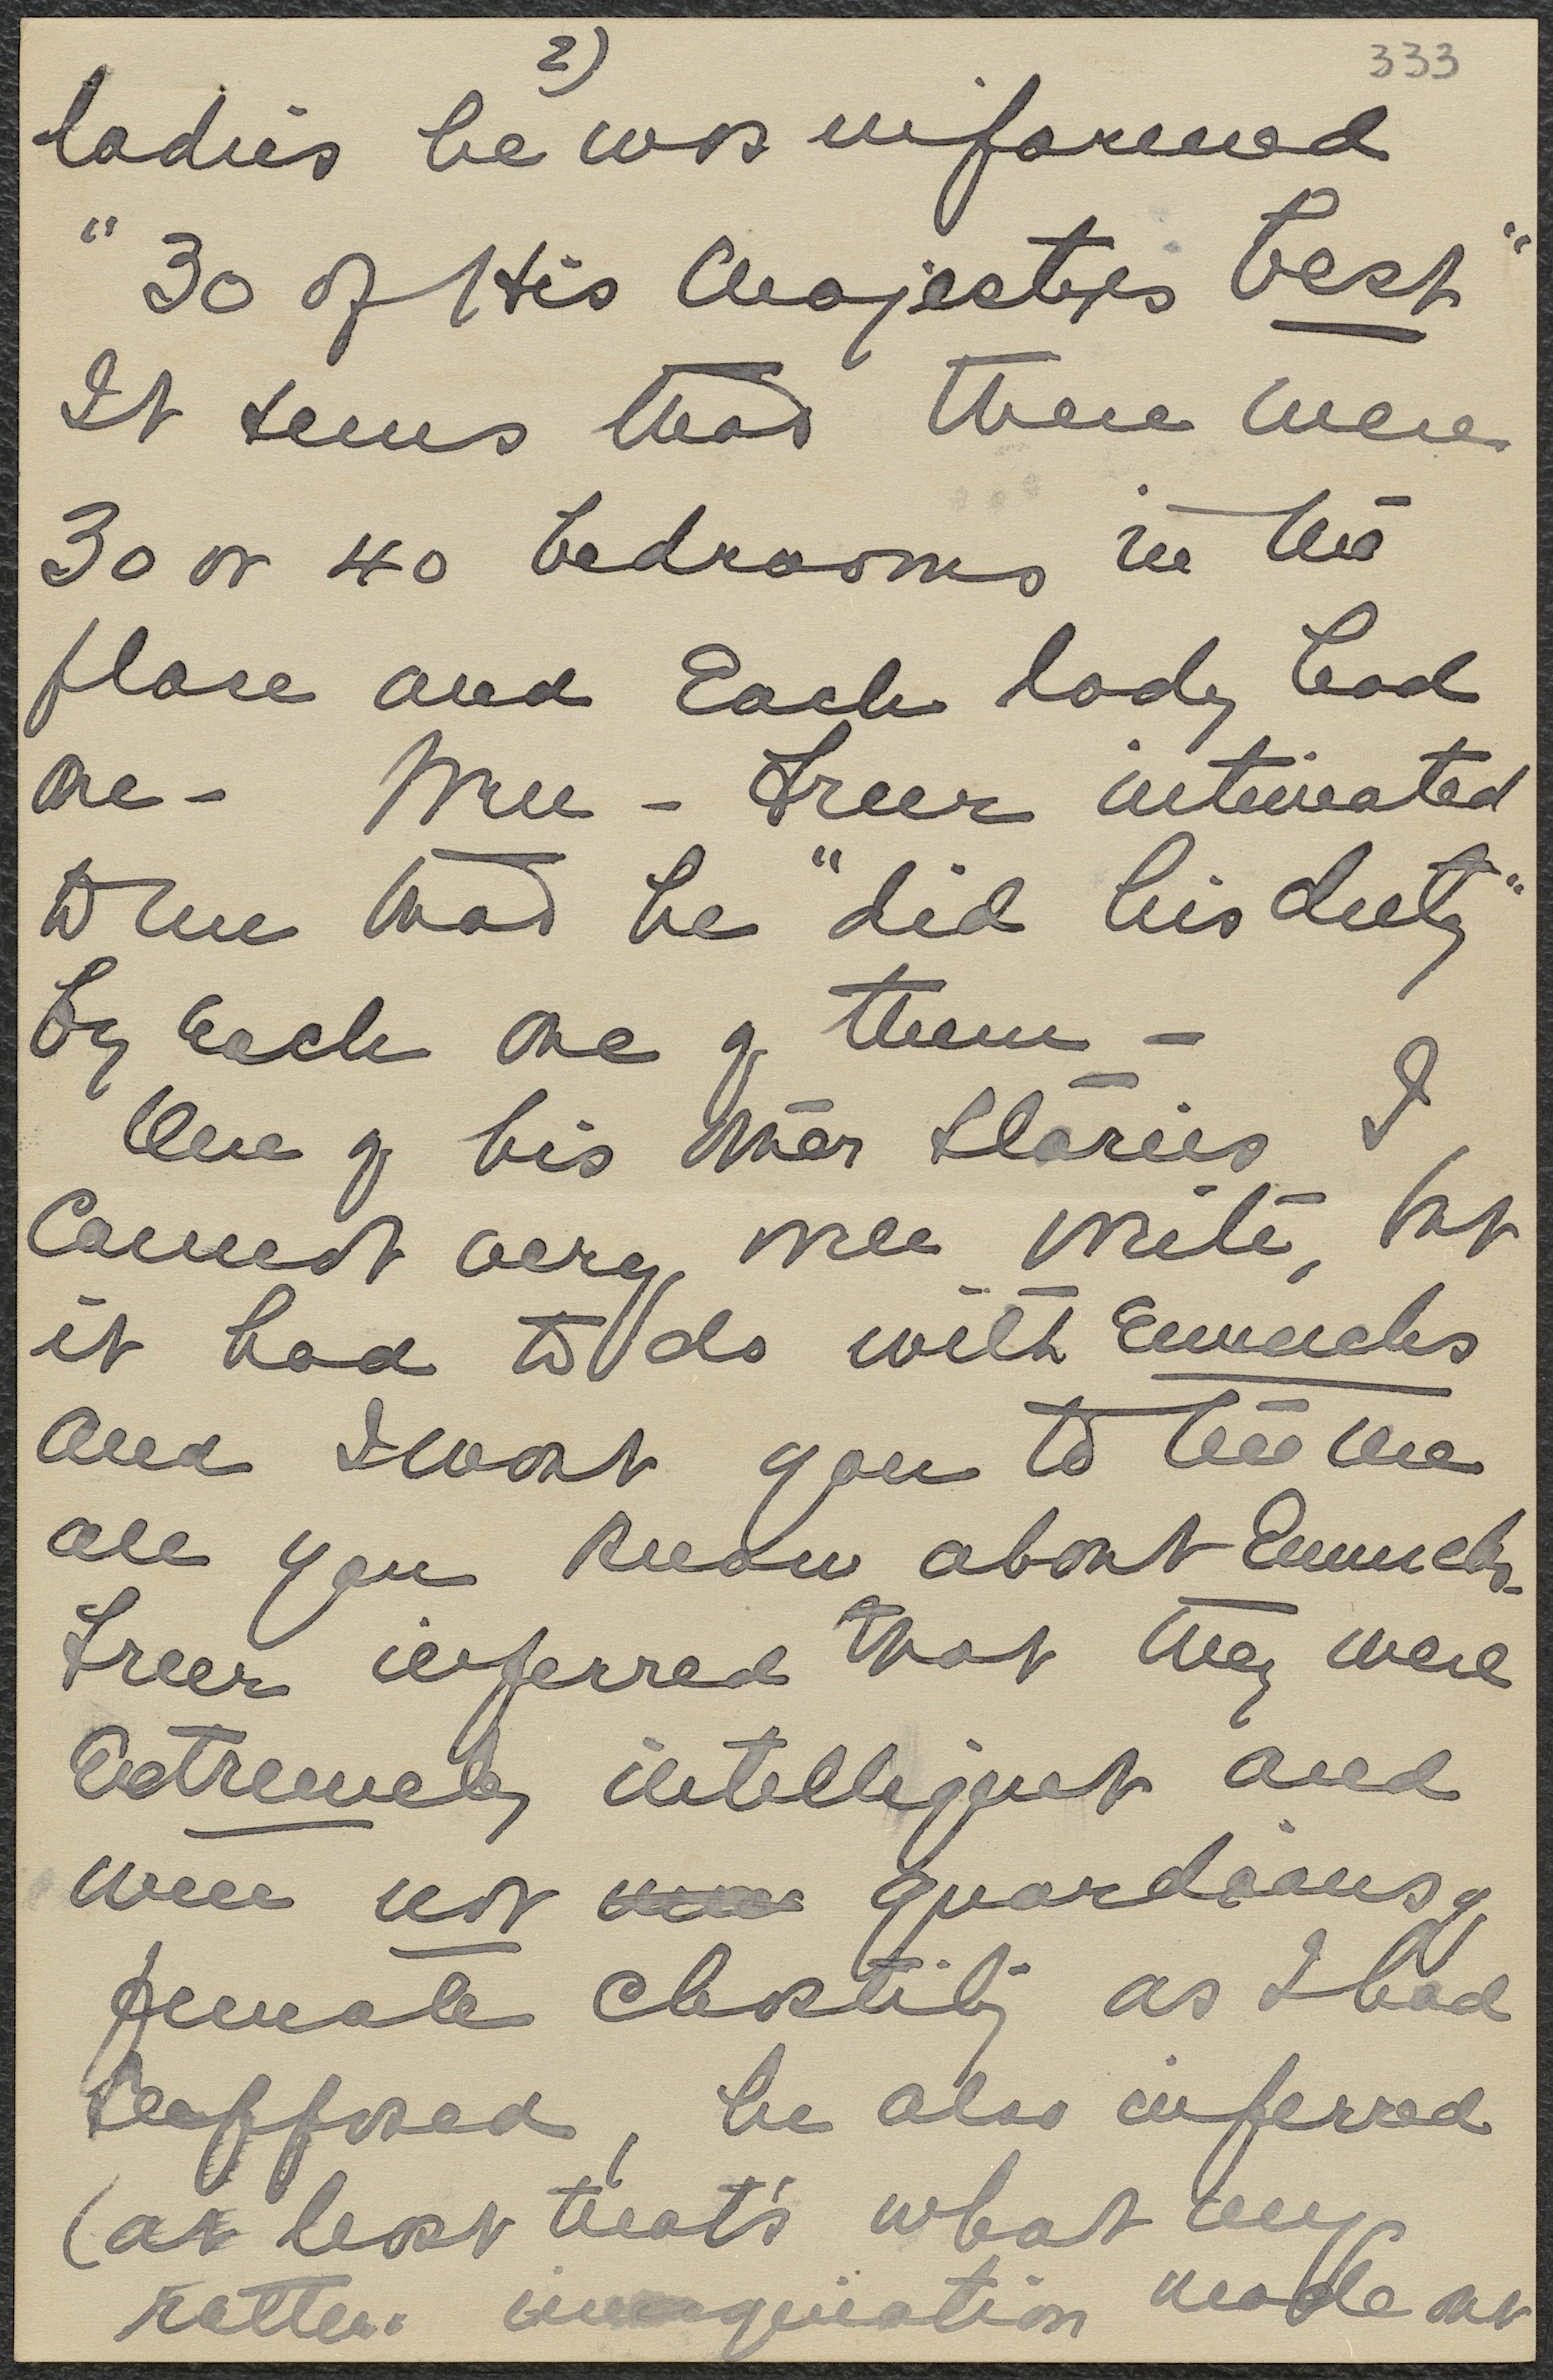2)
ladies he was informed “30 of His Majesty’s best” It seems that there were 30 or 40 bedrooms in the place and each lady had one – Well – Freer intimated to me that he “did his duty” by each one of them –
One of his other stories I cannot very well write, but it had to do with eunuchs and I want you to tell me all you know about eunuchs. Freer inferred that they were extremely intelligent and were not mere guardians of female chastity as I had supposed, he also inferred (at least that’s what my rotten imagination made out